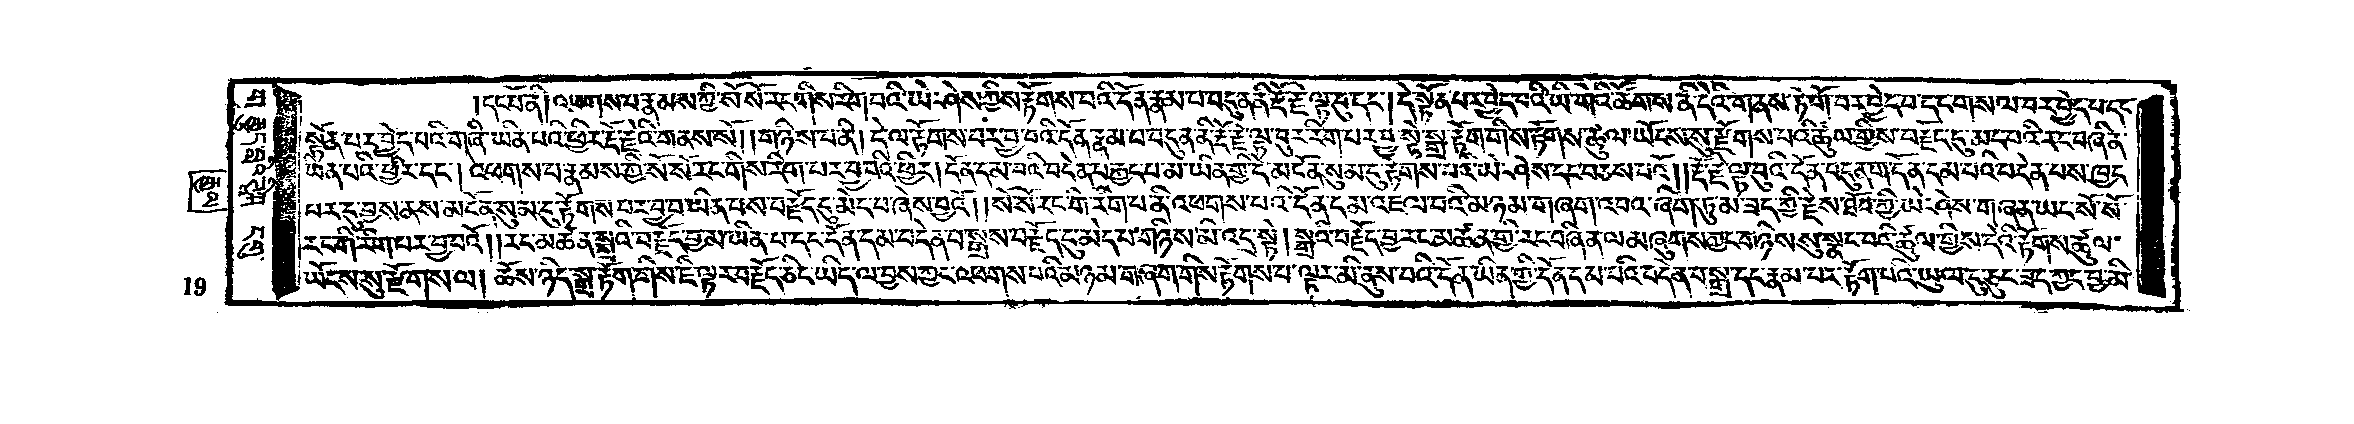༄༅། །དང་པོ་ནི། འཕགས་པ་རྣམས་ཀྱི་སོ་སོ་རང་གིས་རིག་པའི་ཡེ་ཤེས་ཀྱིས་རྟོགས་པའི་དོན་རྣམ་པ་བདུན་ནི་རྡོ་རྗེ་ལྟ་བུ་དང་། དེ་སྟོན་པར་བྱེད་པའི་ཡི་གེའི་ཚོགས་ནི་དེའི་གནས་ཏེ་གོ་བར་བྱེད་པ་དང་གསལ་བར་བྱེད་པ་དང་
སྟོན་པར་བྱེད་པའི་གཞི་ཡིན་པའི་ཕྱིར་རྡོ་རྗེའི་གནས་སོ། །གཉིས་པ་ནི། དེ་ལ་རྟོགས་པར་བྱ་བའི་དོན་རྣམ་པ་བདུན་ནི་རྡོ་རྗེ་ལྟ་བུར་རིག་པར་བྱ་སྟེ་སྒྲ་རྟོག་གིས་རྟོགས་ཚུལ་ཡོངས་སུ་རྫོགས་པའི་ཚུལ་གྱིས་བརྗོད་དུ་མེད་པའི་རང་བཞིན་
ཡིན་པའི་ཕྱིར་དང་། འཕགས་པ་རྣམས་ཀྱི་སོ་སོ་རང་གིས་རིག་པར་བྱ་བའི་ཕྱིར། དོན་དམ་པའི་བདེན་པ་རྐྱང་པ་མ་ཡིན་གྱི་དེ་མངོན་སུམ་དུ་རྟོགས་པའི་ཡེ་ཤེས་དང་བཅས་པའོ། །རྡོ་རྗེ་ལྟ་བུའི་དོན་བདུན་ག་དོན་དམ་པའི་བདེན་པས་ཁྱད་
པར་དུ་བྱས་ནས་མངོན་སུམ་དུ་རྟོགས་པར་བྱ་བ་ཡིན་པས་བརྗོད་དུ་མེད་པ་ཞེས་བྱའོ། །སོ་སོ་རང་གི་རིག་པ་ནི་འཕགས་པའི་དོན་དམ་འཇལ་བའི་མཉམ་གཞག་འབའ་ཞིག་ཏུ་མ་ཟད་ཀྱི་རྗེས་ཐོབ་ཀྱི་ཡེ་ཤེས་གཞན་ཡང་སོ་སོ་
རང་གི་རིག་པར་བྱ་བའོ། །རང་མཚན་སྒྲའི་བརྗོད་བྱ་མ་ཡིན་པ་དང་དོན་དམ་བདེན་པ་སྒྲས་བརྗོད་དུ་མེད་པ་གཉིས་མི་འདྲ་སྟེ། སྒྲའི་བརྗོད་བྱ་རང་མཚན་གྱི་རང་བཞིན་ལམ་ཞུགས་ཀྱང་གཉིས་སུ་སྣང་བའི་ཚུལ་གྱིས་དེའི་རྟོགས་ཚུལ་
ཡོངས་སུ་རྫོགས་ལ། ཆོས་ཉིད་སྒྲ་རྟོག་གིས་ཇི་ལྟར་བརྗོད་ཅིང་ཡིད་ལ་བྱས་ཀྱང་འཕགས་པའི་མཉམ་གཞག་གིས་རྟོགས་པ་ལྟར་མི་ནུས་པའི་དོན་ཡིན་གྱི་དོན་དམ་པའི་བདེན་པ་སྒྲ་དང་རྣམ་པར་རྟོག་པའི་ཡུལ་དུ་ཅུང་ཟད་ཀྱང་བྱ་མི་